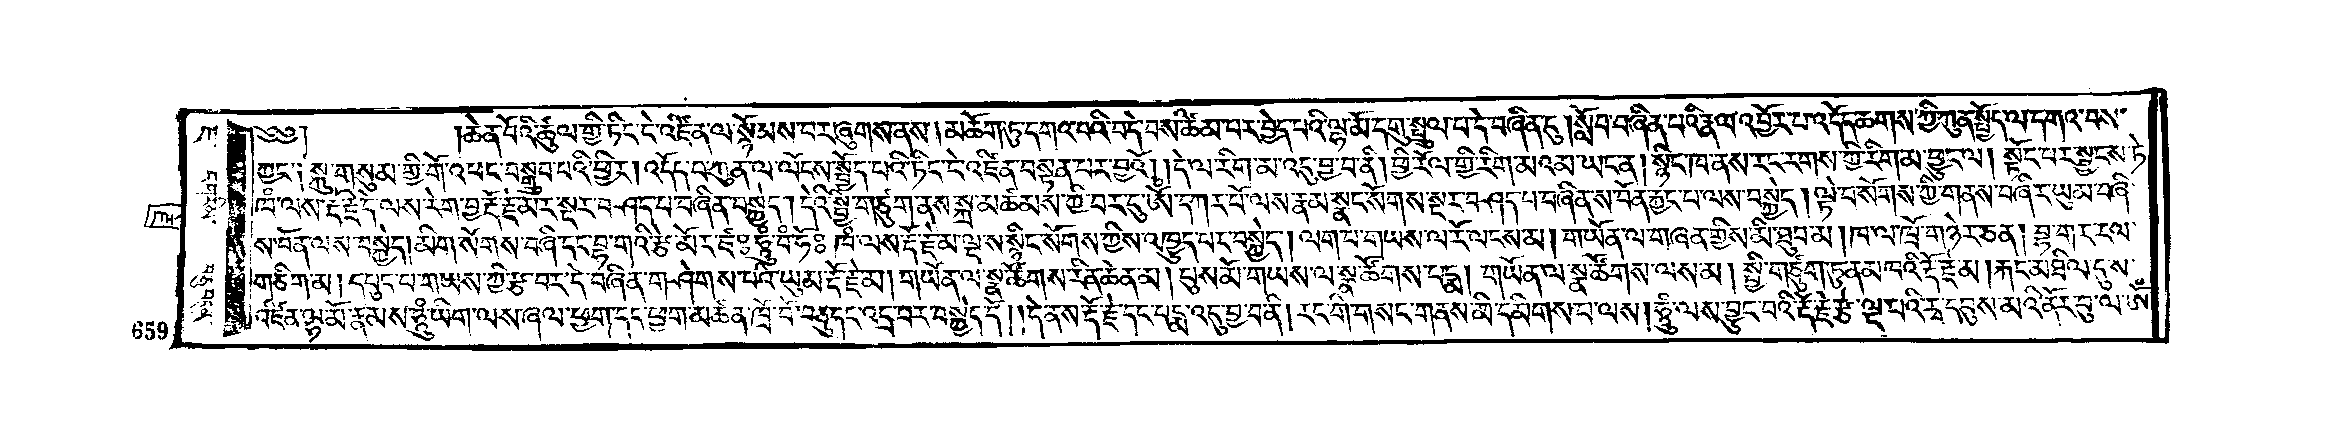༄༅། །ཆེན་པོའི་ཚུལ་གྱི་ཏིང་ངེ་འཛིན་ལ་སྙོམས་པར་ཞུགས་ནས། མཆོག་ཏུ་དགའ་བའི་བདེ་བས་ཚིམ་པར་བྱེད་པའི་ལྷ་མོ་དགུ་སྤྲུལ་པ་དེ་བཞིན་དུ། སློབ་བཞིན་པའི་རྣལ་འབྱོར་པ་འདོད་ཆགས་ཀྱི་ཀུན་སྤྱོད་ལ་དགའ་བས་
ཀྱང་། སྐུ་གསུམ་གྱི་གོ་འཕང་བསྒྲུབ་པའི་ཕྱིར། འདོད་པ་ཀུན་ལ་ལོངས་སྤྱོད་པའི་ཏིང་ངེ་འཛིན་བསྟན་པར་བྱའོ། །དེ་ལ་རིག་མ་འདུ་བྱ་བ་ནི། ཕྱི་རོལ་གྱི་རིག་མའམ་ཡང་ན། སྙིང་ཁ་ནས་རང་རགས་ཀྱི་རིག་མ་ཕྱུང་ལ། སྟོང་པར་སྦྱངས་ཏེ་
ཁཾ་ལས་རྡོ་རྗེ་དེ་ལས་རེག་བྱ་རྡོ་རྗེ་མར་སྔར་བཤད་པ་བཞིན་བསྐྱེད། དེའི་སྤྱི་གཙུག་ནས་སྐྲ་མཚམས་ཀྱི་བར་དུ་ཨོཾ་དཀར་པོ་ལས་རྣམ་སྣང་སོགས་སྔར་བཤད་པ་བཞིན་ས་བོན་རྐྱང་པ་ལས་བསྐྱེད། ལྟེ་བ་སོགས་ཀྱི་གནས་བཞིར་ཡུམ་བཞི་
ས་བོན་ལས་བསྐྱེད། མིག་སོགས་བཞི་དང་བྷ་གའི་རྩེ་མོར་ཛཿ ཧཱུཾ་བཾ་ཧོཿ ཁཾ་ལས་རྡོ་རྗེ་མ་ལྔ་ས་སྙིང་སོགས་ཀྱིས་འཁྱུད་པར་བསྐྱེད། ལག་པ་གཡས་ལ་རོ་ལངས་མ། གཡོན་ལ་གཞན་གྱི་མི་ཐུབ་མ། ཁ་ལ་ཁྲོ་གཉེར་ཅན། བྷ་གར་རལ་
གཅིག་མ། དཔུང་པ་གཡས་ཀྱི་རྩ་བར་དེ་བཞིན་གཤེགས་པའི་ཡུམ་རྡོ་རྗེ་མ། གཡོན་ལ་སྣ་ཚོགས་རིན་ཆེན་མ། པུས་མོ་གཡས་ལ་སྣ་ཚོགས་པདམ། གཡོན་ལ་སྣ་ཚོགས་ལས་མ། སྤྱི་གཙུག་ཏུ་ནམ་མཁའི་རྡོ་རྗེ་མ། རྐང་མཐིལ་དུ་ས་
འཛིན་ལྷ་མོ་རྣམས་ཧཱུཾ་ཡིག་ལས་ཞལ་ཕྱག་དང་ཕྱག་མཚན་ཁྲོ་བོ་བཅུ་དང་འདྲ་བར་བསྐྱེད་དོ། །དེ་ནས་རྡོ་རྗེ་དང་པདམ་འདུ་བྱ་བ་ནི། རང་གི་གསང་གནས་མི་དམིགས་པ་ལས། ཧཱུཾ་ལས་བྱུང་བའི་རྡོ་རྗེ་རྩེ་ལྔ་པའི་རྭ་དབུས་མའི་ནོར་བུ་ལ་ཨོཾ་